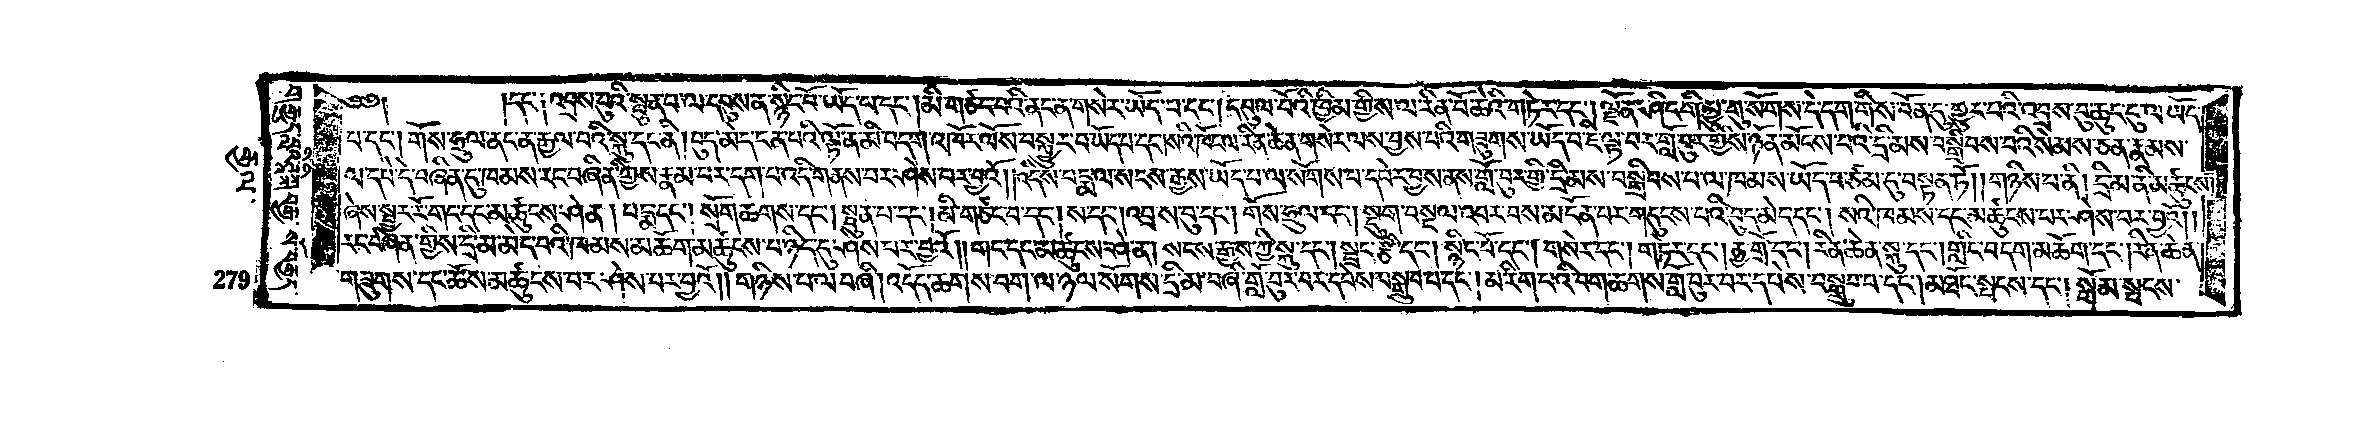༄༅། །དང༑ འབྲས་བུའི་སྦུན་པ་ལ་དབུས་ན་སྙིང་པོ་ཡོད་པ་དང་། མི་གཙང་བའི་ནང་ན་གསེར་ཡོད་པ་དང་། དབུལ་པོའི་ཁྱིམ་གྱིས་ལ་རིན་པོ་ཆེའི་གཏེར་དང་། ལྗོན་ཤིང་གི་མྱུ་གུ་སོགས་དེ་དག་གི་ས་བོན་དུ་གྱུར་པའི་འབྲས་བུ་ཆུང་ངུ་ལ་ཡོད་
པ་དང་། གོས་ཧྲུལ་ནང་ན་རྒྱལ་བའི་སྐུ་དང་ནི། བུད་མེད་ངན་པའི་ལྟོ་ན་མི་བདག་འཁོར་ལོས་བསྒྱུར་བ་ཡོད་པ་དང་། སའི་ཁོང་ལ་རིན་ཆེན་གསེར་ལས་བྱས་པའི་གཟུགས་ཡོད་པ་ཇི་ལྟ་བར་གློ་བུར་གྱིས་ཉོན་མོངས་པའི་དྲི་མས་བསྒྲིབས་པའི་སེམས་ཅན་རྣམས་
ལ་དཔེ་དེ་བཞིན་དུ་ཁམས་རང་བཞིན་གྱིས་རྣམ་པར་དག་པ་འདི་གནས་པར་ཤེས་པར་བྱའོ། །འདིས་པདམ་ལ་སངས་རྒྱས་ཡོད་པ་ལ་སོགས་པ་དཔེར་བྱས་ནས་གློ་བུར་གྱི་དྲི་མས་བསྒྲིབས་པ་ལ་ཁམས་ཡོད་པ་ཙམ་དུ་བསྟན་ཏོ། །གཉིས་པ་ནི། དྲི་མ་ནི་མཚུངས་
ཞེས་སྦྱར་རོ་གང་དང་མཚུངས་ཤེ་ན། པདམ་དང་། སྲོག་ཆགས་དང་། སྦུན་པ་དང་། མི་གཙང་བ་དང་། ས་དང་། འབྲས་བུ་དང་། གོས་ཧྲུལ་དང་། སྡུག་བསྔལ་འབར་བས་མངོན་པར་གདུངས་པའི་བུད་མེད་དང་། སའི་ཁམས་དང་མཚུངས་པར་ཤེས་པར་བྱའོ། །
རང་བཞིན་གྱིས་དྲི་མ་མེད་པའི་ཁམས་མཆོག་མཚུངས་པ་ཉིད་དུ་ཤེས་པར་བྱའོ། །གང་དང་མཚུངས་ཤེ་ན། སངས་རྒྱས་ཀྱི་སྐུ་དང་། སྦྲང་རྩི་དང་། སྙིང་པོ་དང་། གསེར་དང་། གཏེར་དང་། ནཡ་གྲོ་དང་། རིན་ཆེན་སྐུ་དང་། གླིང་བདག་མཆོག་དང་། རིན་ཆེན་
གཟུགས་དང་ཆོས་མཚུངས་པར་ཤེས་པར་བྱའོ། །གཉིས་པ་ལ་བཞི། འདོད་ཆགས་བག་ལ་ཉལ་སོགས་དྲི་མ་བཞི་གློ་བུར་བར་དཔེས་བསྒྲུབ་པ་དང་། མ་རིག་པའི་བག་ཆགས་གློ་བུར་བར་དཔེས་བསྒྲུབ་པ་དང་། མཐོང་སྤངས་དང་། སྒོམ་སྤངས་